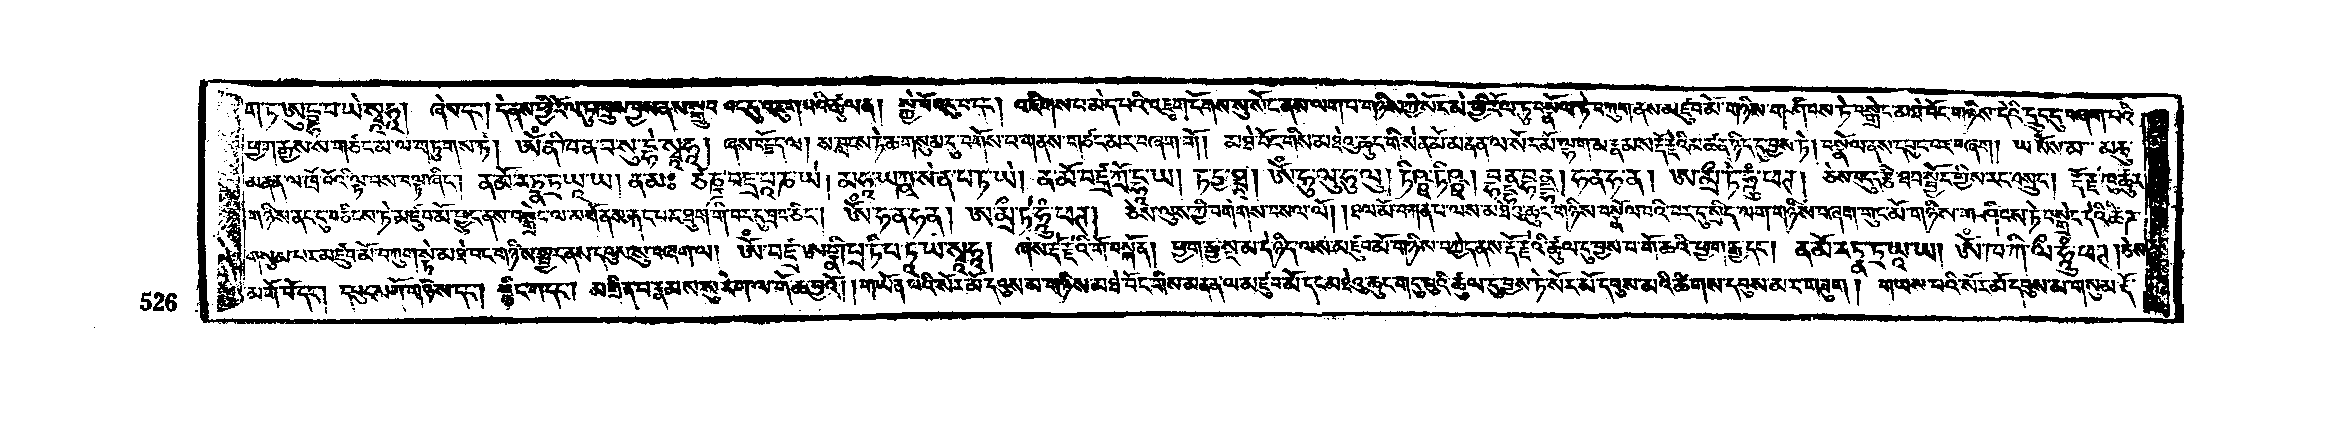ག་ཏ་ཨུདབྷ་བ་ཡེ་སྭཱཧཱ། ཞེས་དང་། དེ་ནས་ཕྱི་རོལ་ཏུ་ཁྲུས་བྱས་ནས་སྒྲུབ་ཁང་དུ་འཇུག་པའི་ཚུལ་ནི། སྐྱེ་བོ་འདུ་བ་དང་། འཇིགས་པ་མེད་པའི་འཇུག་དོགས་སུ་སོང་ནས་ལག་པ་གཉིས་ཀྱི་སོར་མེ་ཕྱི་རོལ་ཏུ་བསྣོལ་ཏེ་བཀུག་ནས་མཛུབ་མོ་གཉིས་གཤིབས་ཏེ་བསྒྲེང་མཐེ་བོང་གཉིས་དེའི་དྲུང་དུ་བཞག་པའི་
ཕྱག་རྒྱས་ས་གཙང་མ་ལ་གཏུགས་ཏེ། ཨོཾ་ནཾ་ཁ་ན་བ་སུ་དྷེ་སྭཱཧཱ། ཞེས་བརྗོད་ལ། ས་བླངས་ཏེ་ཆ་གསུམ་དུ་བགོས་པ་གནས་གཙང་མར་བཞག་གོ །མཐེ་བོང་གིས་མཐེའུ་ཆུང་གི་སེན་མོ་མནན་ལ་སོར་མོ་ལྷག་མ་རྣམས་རྡོ་རྗེའི་མཚན་ཉིད་དུ་བྱས་ཏེ། བསྣོལ་ནས་དཔུང་པར་བཞག །ཡ་སོས་མ་མཆུ་
མནན་ལ་ཁྲོ་བོའི་ལྟ་བས་བལྟ་ཞིང་། ན་མོ་རཏྣ་ཏྲ་ཡཱ་ཡ། ན་མཿ ཙནྜ་བཛྲ་པཱ་ཎ་ཡེ། མཧཱ་ཡཀྵ་སེ་ན་པ་ཏ་ཡེ། ན་མོ་བཛྲ་ཀྲོ་དྷཱ་ཡ། ཏ་དྱ་ཐཱ། ཨོཾ་ཧུ་ལུ་ཧུ་ལུ། ཏིཥཊཿཨ་ཏིཥཊཿཨ། དྷ་ནྡྷ་བྷ་ནྡྷ། ཧ་ན་ཧ་ན། ཨ་མྲྀ་ཏེ་ཧཱུཾ་ཕཊ། ཅེས་བདུད་རྩི་ཐབ་སྦྱོར་གྱིས་རང་བསྲུང་། རྡོ་རྗེ་ཁུ་ཚུར་
གཉིས་ནང་དུ་བཅིངས་ཏེ་མཛུབ་མོ་ཕྱུང་ནས་བསྒྲེང་ལ་མགོ་ནས་རྐང་པར་ཐུག་གི་བར་དུ་བྲབ་ཅིང་། ཨོཾ་ཧ་ན་ཧ་ན། ཨ་མྲྀ་ཏེ་ཧཱུཾ་ཕཊ། ཅེས་ལུས་ཀྱི་བགེགས་བསལ་ལོ། །ཐལ་མོ་བཀན་པ་ལས་མཐེའུ་ཆུང་གཉིས་བསྣོལ་བའི་བར་དུ་སྲིད་ལག་གཉིས་བཞག་གུང་མོ་གཉིས་གཤིབས་ཏེ་བསྒྲེང་དེའི་ཚིགས་
གསུམ་པར་མཛུབ་མོ་བཀུག་སྟེ་མཐེ་བོང་གཉིས་སྦྱར་ནས་དབུས་སུ་བཞག་ལ། ཨོཾ་བཛྲ་ཨགནི་པྲ་ཏི་པ་ཏཱ་ཡེ་སྭཱཧཱ། ཞེས་རྡོ་རྗེའི་གོ་བསྐོན། ཕྱག་རྒྱ་སྔ་མ་དེ་ཉིད་ལས་མཛུབ་མོ་གཉིས་བཀྱེད་ནས་རྡོ་རྗེའི་ཚུལ་དུ་བྱས་པ་གོ་ཆའི་ཕྱག་རྒྱ་དང་།  ན་མོ་རཏྣ་ཏྲ་ཡཱ་ཡ། ཨོཾ་ཁ་ཀི་ལྀ་ཧཱུཾ་ཕཊ། ཅེས་
མགོ་བོ་དང་། དཔུང་མགོ་གཉིས་དང་། སྙིང་ག་དང་། མགྲིན་པ་རྣམས་སུ་རེག་ལ་གོ་ཆ་བྱའོ། །གཡོན་པའི་སོར་མེ་དབུས་མ་གཉིས་མཐེ་བོང་གིས་མནན་ལ་མཛུབ་མོ་དང་མཐེའུ་ཆུང་གདུ་བུའི་ཚུལ་དུ་བྱས་ཏེ་སེར་མོ་དབུས་མའི་ཚིགས་དབུས་མར་གཟུག །གཡས་པའི་སོར་མོ་དབུས་མ་གསུམ་རྡོ་